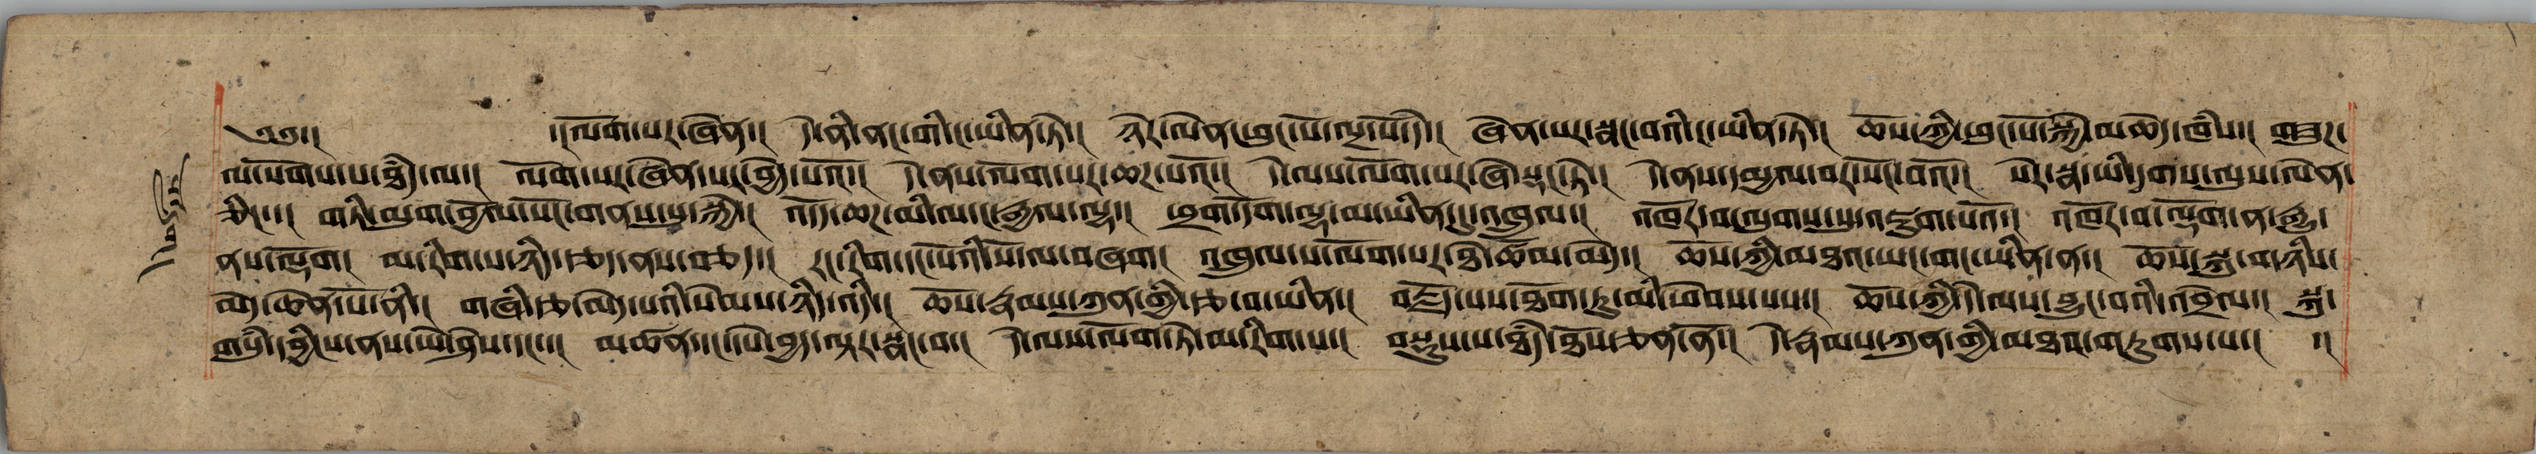༄༅་། ་།ལོག་པར་ཞེན་། དེ་ནི་ནང་གི་ང་ཡིན་ཏེ་། ཉེར་ལེན་ཕུང་པོ་ལྔ་པོ་དེ་། ཞེན་པར་སྣང་བའི་ང་ཡིན་ཏེ་། ཆོས་ཀྱི་ཕུང་པོ་སྐྱེ་མཆེད་ཁཾས་། གཟུཌ་
ལ་སོགས་པ་ཐཾད་ལ་། ལོག་པར་ཞེན་པར་བྱེད་པའོ་། དེ་ནས་ལོག་པར་ཆཌ་པའོ་། དེ་ལས་ལོག་པར་ཞེ་སྡང་ཏེ་། དེ་ནས་དམྱལ་བར་སོང་བའོ་། སེར་སྣ་ཡི་དྭགས་ལུས་ལེན་
ཅིང་་། གཏི་མུག་བྱོལ་སོང་གནས་སུ་སྐྱེ་། འདོད་ཆཌ་མི་ལ་ང་རྒྱལ་ལྷ་། ཕྲག་དོག་ལྷ་མ་ཡིན་དུ་འཁྲུལ་། འཁོར་བ་ལུགས་སུ་འཇུག་པའོ་། འཁོར་བ་ལྡོག་ན་རྒྱུ་
ནས་ལྡོག། མ་རིག་པ་ཉིད་རྩད་ནས་བཅད་། རང་རིག་དང་པོའི་སོ་ལ་བཞག། འཁྲུལ་པ་ལོག་པར་ཐེ་ཚོམ་མེད་། ཆོས་ཀྱི་མཐའ་ཡང་གང་ཡིན་ན་། ཆོས་སྐུ་གཉིས་
མེད་ཆེན་པོ་ནི་། གཞི་རྩ་མེད་པའི་སེམས་ཉིད་འདི་། ཆོས་རྣམས་ཀུན་གྱི་རྩ་བ་ཡིན་། བརྗོད་པས་ཐོག་ཏུ་མི་ཕེབས་པས་། ཆོས་ཀྱི་དེ་ལས་བྱུང་བའི་འབྲེལ་། སྐུ་
གསུཾ་དབྱིངས་ནས་ཡཻ་ཤེས་དང་་། མཚན་དང་དཔེ་བྱད་ལྟར་སྣང་བ་། དེ་ལས་ལོག་ཏེ་མ་རིག་པ་། བསྡུས་པ་ཐཾད་ཐོས་ཅན་ནོ་། དེ་རྣམས་ཀུན་གྱི་མཐའ་གཏུགས་པ་། ་།